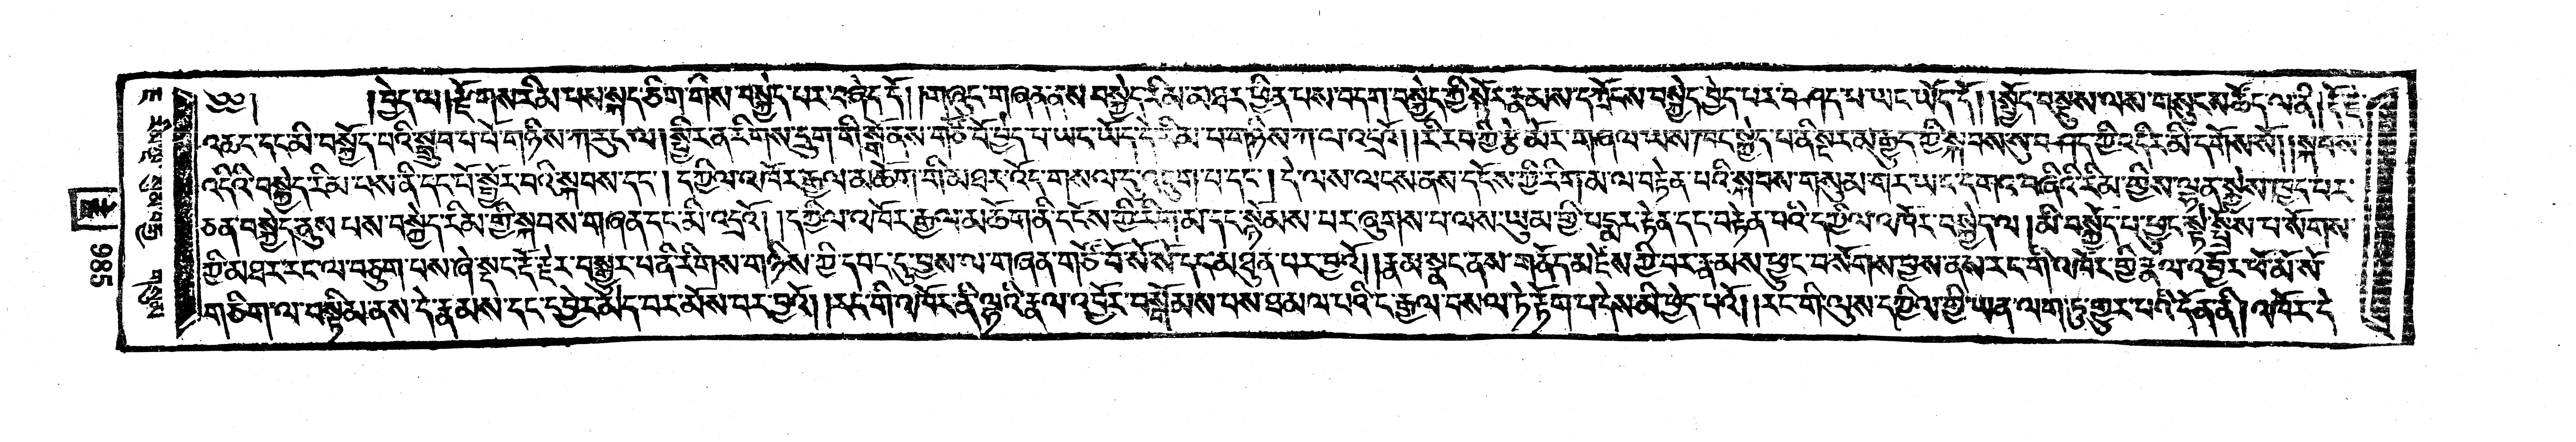༄༅། །བྱེད་ལ། རྫོགས་རིམ་པས་སྐད་ཅིག་གིས་བསྐྱེད་པར་བཞེད་དོ། །གཞུང་གཞན་ནས་བསྐྱེད་རིམ་མཐར་ཕྱིན་པས་བདག་བསྐྱེད་ཀྱི་སྐོར་རྣམས་དཀྲོངས་བསྐྱེད་བྱེད་པར་བཤད་པ་ཡང་ཡོད་དོ། །སྤྱོད་བསྡུས་ལས་གསུངས་ཚོད་ལ་ནི། རྡོ་རྗེ་
འཆང་དང་མི་བསྐྱོད་པའི་སྒྲུབ་པ་པོ་གཉིས་ཀ་རུང་ལ། སྤྱིར་ན་རིགས་དྲུག་གི་སྒོ་ནས་གཙོ་བོ་བྱེད་པ་ཡང་ཡོད་དེ་རིམ་པ་གཉིས་ཀ་ལ་འདྲའོ། །རི་རབ་ཀྱི་རྩེ་མོར་གཞལ་ཡས་ཁང་སྐྱེད་པ་ནི་སྔར་མ་རྒྱུད་ཀྱི་སྐབས་སུ་བཤད་ཀྱི་འདིར་མི་དགོས་སོ། །སྐབས་
འདིའི་བསྐྱེད་རིམ་པས་ནི་དང་པོ་སྦྱོར་བའི་སྐབས་དང་། དཀྱིལ་འཁོར་རྒྱལ་མཆོག་གི་མཐར་འོད་གསལ་དུ་འཇུག་པ་དང་། དེ་ལས་ལངས་ནས་དངོས་ཀྱི་རིག་མ་ལ་བརྟེན་པའི་སྐབས་གསུམ་གར་ཡང་དགའ་བཞིའི་རིམ་གྱིས་ལྷན་སྐྱེས་ཁྱད་པར་
ཅན་བསྐྱེད་ནུས་པས་བསྐྱེད་རིམ་གྱི་སྐབས་གཞན་དང་མི་འདྲའོ། །དཀྱིལ་འཁོར་རྒྱལ་མཆོག་ནི་དངོས་ཀྱི་རིག་མ་དང་སྙོམས་པར་ཞུགས་པ་ལས་ཡུམ་གྱི་པདམར་རྟེན་དང་བརྟེན་པའི་དཀྱིལ་འཁོར་བསྐྱེད་ལ། མི་བསྐྱོད་པ་ཕྱུང་སྟེ་སྤྲོས་པ་སོགས་
ཀྱི་མཐར་རང་ལ་བཅུག་པས་ཞེ་སྡང་རྡོ་རྗེར་བསྒྱུར་པ་ནི་རིགས་གཉིས་ཀྱི་དབང་དུ་བྱས་ལ་གཞན་གཙོ་བོ་སོ་སོ་དང་མཐུན་པར་བྱའོ། །རྣམ་སྣང་ནས་གནོད་མཛེས་ཀྱི་བར་རྣམས་བྱུང་བ་སོགས་བྱས་ནས་རང་གི་འཁོར་གྱི་རྣལ་འབྱོར་ཕོ་མོ་སོ་
གཅིག་ལ་བསྟིམ་ནས་དེ་རྣམས་དང་དབྱེར་མེད་པར་མོས་པར་བྱའོ། །རང་གི་འཁོར་ནི་ལྷའི་རྣལ་འབྱོར་བསྒོམས་པས་ཐ་མལ་པའི་ང་རྒྱལ་བསལ་ཏེ་རྟོག་པ་དེས་མི་ཕྱེད་པའོ། །རང་གི་ལུས་དཀྱིལ་གྱི་ཡན་ལག་ཏུ་གྱུར་པའི་དོན་ནི། འཁོར་དེ་